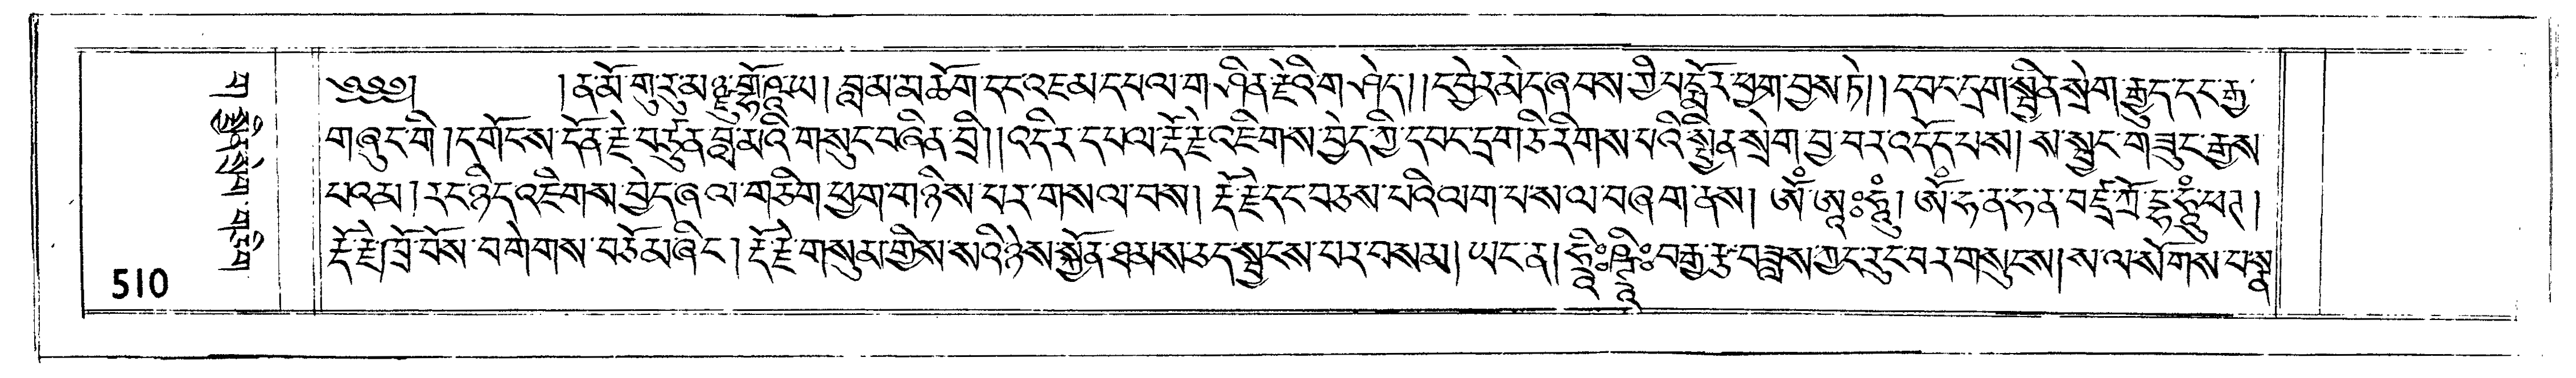༄༅༅། །ན་མོ་གུ་རུ་མཉྫུ་གྷོ་ཥཱ་ཡ། བླ་མ་མཆོག་དང་འཇམ་དཔལ་གཤིན་རྗེའི་གཤེད། །དབྱེར་མེད་ཞབས་ཀྱི་པདམོར་ཕྱག་བྱས་ཏེ། །དབང་དྲག་སྦྱིན་སྲེག་རྒྱུད་དང་རྒྱ་
གཞུང་གི །དགོངས་དོན་རྗེ་བཙུན་བླ་མའི་གསུང་བཞིན་བྲི། །འདིར་དཔལ་རྡོ་རྗེ་འཇིགས་བྱེད་ཀྱི་དབང་དྲག་ཅི་རིགས་པའི་སྦྱིན་སྲེག་བྱ་བར་འདོད་པས། ས་སྦྱང་གཟུང་རྒྱས་
པའམ། རང་ཉིད་འཇིགས་བྱེད་ཞལ་གཅིག་ཕྱག་གཉིས་པར་གསལ་བས། རྡོ་རྗེ་དང་བཅས་པའི་ལག་པ་ས་ལ་བཞག་ནས། ཨོཾ་ཨཱཿ ཧཱུཾ། ཨོཾ་ཧ་ན་ཧ་ན་བཛྲ་ཀྲོ་དྷ་ཧཱུཾ་ཕཊ།
རྡོ་རྗེ་ཁྲོ་བོས་བགེགས་བཅོམ་ཞིང་། རྡོ་རྗེ་གསུམ་གྱིས་སའི་ཉེས་སྐྱོན་ཐམས་ཅད་སྦྱངས་པར་བསམ། ཡང་ན། ཧྲཱིཿ ཥྚྲཱིཿ བརྒྱ་རྩ་བཟླས་ཀྱང་རུང་བར་གསུངས། ས་ལ་སོགས་པ་སྣ་